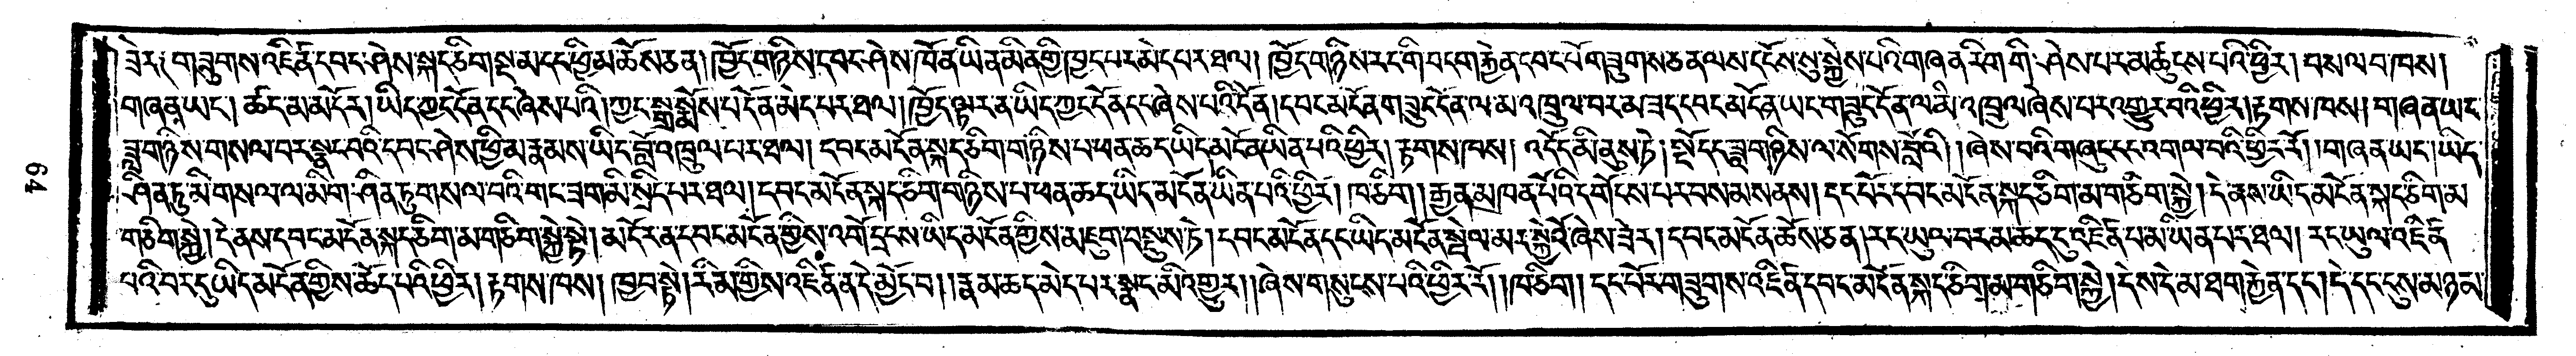ཟེར༑ གཟུགས་འཛིན་དབང་ཤེས་སྐད་ཅིག་སྔ་མ་དང་ཕྱི་མ་ཆོས་ཅན། ཁྱོད་གཉིས་དབང་ཤེས་ཁོ་ན་ཡིན་མིན་གྱི་ཁྱད་པར་མེད་པར་ཐལ། ཁྱོད་གཉིས་རང་གི་བདག་རྐྱེན་དབང་པོ་གཟུགས་ཅན་ལས་དངོས་སུ་སྐྱེས་པའི་གཞན་རིག་གི་ཤེས་པར་མཚུངས་པའི་ཕྱིར། བསལ་པ་ཁས།
གཞན་ཡང་། ཚད་མ་མདོར། ཡིད་ཀྱང་དོན་དང་ཞེས་པའི། ཀྱང་སྒྲ་སྨོས་པ་དོན་མེད་པར་ཐལ། ཁྱོད་ལྟར་ན་ཡིད་ཀྱང་དོན་དང་ཞེས་པའི་དོན། དབང་མངོན་གཟུང་དོན་ལ་མ་འཁྲུལ་བར་མ་ཟད་དབང་མངོན་ཡང་གཟུང་དོན་ལ་མ་འཁྲུལ་ཞེས་པར་འགྱུར་བའི་ཕྱིར། རྟགས་ཁས། གཞན་ཡང་
ཟླ་གཉིས་གསལ་བར་སྣང་བའི་དབང་ཤེས་ཕྱི་མ་རྣམས་ཡིད་བློ་འཁྲུལ་པར་ཐལ། དབང་མངོན་སྐད་ཅིག་གཉིས་པ་ཕན་ཆད་ཡིད་མངོན་ཡིན་པའི་ཕྱིར། རྟགས་ཁས། འདོད་མི་ནུས་ཏེ། སྔོ་དང་ཟླ་གཉིས་ལ་སོགས་བློའི། །ཞེས་པའི་གཞུང་དང་འགལ་བའི་ཕྱིར་རོ། །གཞན་ཡང་། ཡིད་
ཤིན་ཏུ་མི་གསལ་ལ་མིག་ཤིན་ཏུ་གསལ་བའི་གང་ཟག་མི་སྲིད་པར་ཐལ། དབང་མངོན་སྐད་ཅིག་གཉིས་པ་ཕན་ཆད་ཡིད་མངོན་ཡིན་པའི་ཕྱིར། ཁ་ཅིག །རྒྱན་མཁན་པོའི་དགོངས་པར་བསམས་ནས། དང་པོར་དབང་མངོན་སྐད་ཅིག་མ་གཅིག་སྐྱེ། དེ་ནས་ཡིད་མངོན་སྐད་ཅིག་མ་
གཅིག་སྐྱེ། དེ་ནས་དབང་མངོན་སྐད་ཅིག་མ་གཅིག་སྐྱེ་སྟེ། མདོར་ན་དབང་མངོན་གྱིས་འགོ་དྲངས་ཡིད་མངོན་གྱིས་མཇུག་བསྡུས་ཏེ། དབང་མངོན་དང་ཡིད་མངོན་སྤེལ་མར་སྐྱེའོ་ཞེས་ཟེར། དབང་མངོན་ཆོས་ཅན། རང་ཡུལ་བར་མ་ཆད་དུ་འཛིན་པ་མ་ཡིན་པར་ཐལ། རང་ཡུལ་འཛིན་
པའི་བར་དུ་ཡིད་མངོན་གྱིས་ཆོད་པའི་ཕྱིར། རྟགས་ཁས། ཁྱབ་སྟེ། རིམ་གྱིས་འཛིན་ན་དེ་མྱོང་བ། །རྣམ་ཆད་མེད་པར་སྣང་མི་འགྱུར། །ཞེས་གསུངས་པའི་ཕྱིར་རོ། །ཁ་ཅིག །དང་པོར་གཟུགས་འཛིན་དབང་མངོན་སྐད་ཅིག་མ་གཅིག་སྐྱེ། དེས་དེ་མ་ཐག་རྐྱེན་དང་། དེ་དང་དུས་མཉམ་